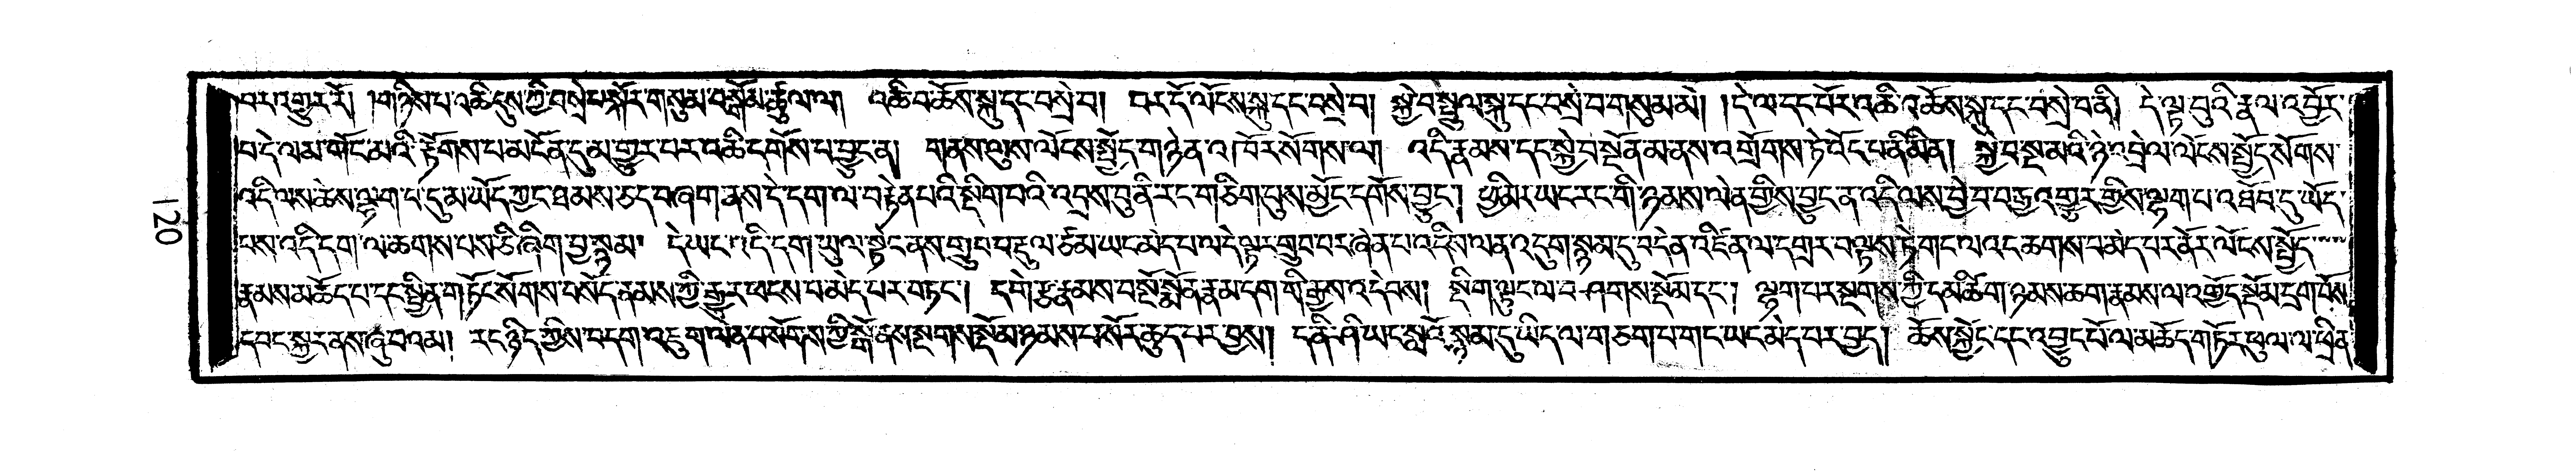བར་འགྱུར་རོ། །གཉིས་པ་འཆི་དུས་ཀྱི་བསྲེ་བསྐོར་གསུམ་བསྒོམ་ཚུལ་ལ། འཆི་བ་ཆོས་སྐུ་དང་བསྲེ་བ། བར་དོ་ལོངས་སྐུ་དང་བསྲེ་བ། སྐྱེ་བ་སྤྲུལ་སྐུ་དང་བསྲེ་བ་གསུམ་མོ། །དེ་ལ་དང་པོར་ཆི་བ་ཆོས་སྐུ་དང་བསྲེ་བ་ནི། དེ་ལྟ་བུའི་རྣལ་འབོར་
བདེ་ལམ་གོང་མའི་རྟོགས་པ་མངོན་དུ་མ་གྱུར་པར་འཆི་དགོས་པ་བྱུང་ན། གནས་ལུས་ལོངས་སྤྱོད་གཉེན་འཁོར་སོགས་ལ། འདི་རྣམས་དང་སྐྱེ་བ་སྔོན་མ་ནས་འགྲོགས་ཏེ་འོངས་པ་ནི་མིན། སྐྱེ་བ་སྔ་མའི་ཉེ་དབྲེལ་ལོངས་སྤྱོད་སོགས་
འདི་ལས་ཆེས་ལྷག་པ་དུ་མ་ཡོད་ཀྱང་ཐམས་ཅད་བཞག་ནས་དེ་དག་ལ་བརྟེན་པའི་སྡིག་པའི་འབྲས་བུ་ནི་རང་གཅིག་བུས་མྱོང་དགོས་བྱུང་། ཕྱི་མར་ཡང་རང་གི་ཉམས་ལེན་གྱིས་བྱུང་ན་འདི་ལས་བྱེ་བ་བརྒྱ་འགྱུར་གྱིས་ལྷག་པ་འཐོབ་ཏུ་ཡོད་
པས་འདི་དག་ལ་ཆགས་པས་ཅི་ཞིག་བྱ་སྙམ། དེ་ཡང་འདི་དག་ཡུལ་སྟེང་ནས་གྲུབ་པ་རྡུལ་ཙམ་ཡང་མེད་པ་ལ་དེ་ལྟར་གྲུབ་བར་ཞེན་པ་འདིས་ལན་འདུག་སྙམ་དུ་བདེན་འཛིན་ལ་དགྲར་བལྟས་ཏེ་གང་ལའང་ཆགས་པ་མེད་པར་ནོར་ལོངས་སྤྱོད་
རྣམས་མཆོད་པ་དང་སྦྱིན་གཏོང་སོགས་བསོད་ནམས་ཀྱི་རྒྱུར་ཕངས་པ་མེད་པར་བཏང་། དགེ་རྩ་རྣམས་བསྔོ་སྨོན་རྣམ་དག་གི་རྒྱས་འདེབས། སྡིག་ལྟུང་ལ་བཤགས་སྡོམ་དང་། ལྷག་པར་སྔགས་ཀྱི་དམ་ཚིག་ཉམས་ཆག་རྣམས་ལ་འགྱོད་སྡོམ་དྲག་པོས་
དབང་བསྐྱར་ནས་ཞུ་བའམ། རང་ཉིད་ཀྱིས་བདག་འཇུག་ལེན་པ་སོགས་ཀྱི་སྒོ་ནས་སྔགས་སྡོམ་ཉམས་པ་སོར་ཆུད་པར་བྱས། ད་ནི་ཤི་ཡང་སླའོ་སྙམ་དུ་ཡིད་ལ་གཅགས་པ་གང་ཡང་མེད་པར་བྱེད། ཆོས་སྐྱོང་དང་འབྱུང་པོ་ལ་མཆོད་གཏོར་ཕུལ་ལ་ཕྲིན་